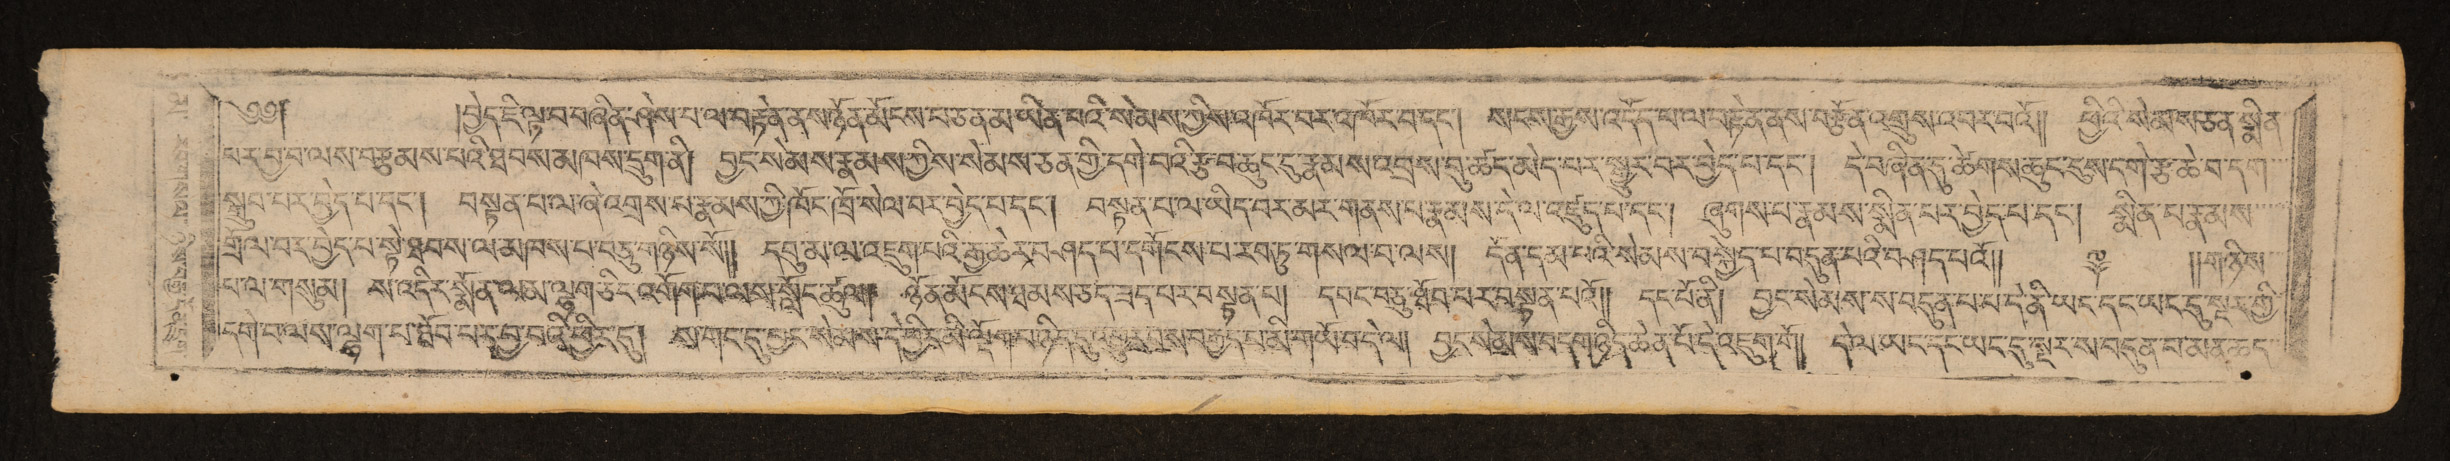༄༅། །བྱེད་ཇི་ལྟ་བ་བཞིན་ཤེས་པ་ལ་བརྟེན་ནས་ཉོན་མོངས་པ་ཅན་མ་ཡིན་པའི་སེམས་ཀྱིས་འཁོར་བར་འཁོར་བ་དང་། སངས་རྒྱས་འདོད་པ་ལ་བརྟེན་ནས་བརྩོན་འགྲུས་འབར་བའོ།། ཕྱིའི་སེམས་ཅན་སྨིན་
པར་བྱ་བ་ལས་བརྩམས་པའི་ཐབས་མཁས་དྲུག་ནི། བྱང་སེམས་རྣམས་ཀྱིས་སེམས་ཅན་གྱི་དགེ་བའི་རྩ་བ་ཆུང་ངུ་རྣམས་འབྲས་བུ་ཚད་མེད་པར་སྒྱུར་བར་བྱེད་པ་དང་། དེ་བཞིན་དུ་ཚེགས་ཆུང་ངུས་དགེ་རྩ་ཆེ་བ་དག་
སྒྲུབ་པར་བྱེད་པ་དང་། བསྟན་པ་ལ་ཞེ་འགྲས་པ་རྣམས་ཀྱི་ཁོང་ཁྲོ་སེལ་བར་བྱེད་པ་དང་། བསྟན་པ་ལ་ཡིད་བར་མར་གནས་པ་རྣམས་དེ་ལ་འཛུད་པ་དང་། ཞུགས་པ་རྣམས་སྨིན་པར་བྱེད་པ་དང་། སྨིན་པ་རྣམས་
གྲོལ་བར་བྱེད་པ་སྟེ་ཐབས་ལ་མཁས་པ་བཅུ་གཉིས་སོ།། དབུ་མ་ལ་འཇུག་པའི་རྒྱ་ཆེར་བཤད་པ་དགོངས་པ་རབ་ཏུ་གསལ་བ་ལས། དོན་དམ་པའི་སེམས་བསྐྱེད་པ་བདུན་པའི་བཤད་པའོ།། ༈ །།གཉིས་
པ་ལ་གསུམ། ས་འདིར་སྨོན་ལམ་ལྷག་ཅིང་འགོག་པ་ལས་སློང་ཚུལ། ཉོན་མོངས་ཐམས་ཅད་ཟད་པར་བསྟན་པ། དབང་བཅུ་ཐོབ་པར་བསྟན་པའོ།། དང་པོ་ནི། བྱང་སེམས་ས་བདུན་པ་བ་དེ་ནི་ཡང་དང་ཡང་དུ་སྔར་གྱི་
དགེ་བ་ལས་ལྷག་པ་ཐོབ་པར་བྱ་བའི་ཕྱིར་དུ། ས་གང་དུ་བྱང་སེམས་དེ་ཕྱིར་མི་ལྡོག་པ་ཉིད་དུ་འགྱུར་བས་བརྒྱད་པ་མི་གཡོ་བ་དེ་ལ། བྱང་སེམས་བདག་ཉིད་ཆེན་པོ་དེ་འཇུག་གོ། དེ་ལ་ཡང་དང་ཡང་དུ་སྔར་ས་བདུན་པ་མན་ཆད་